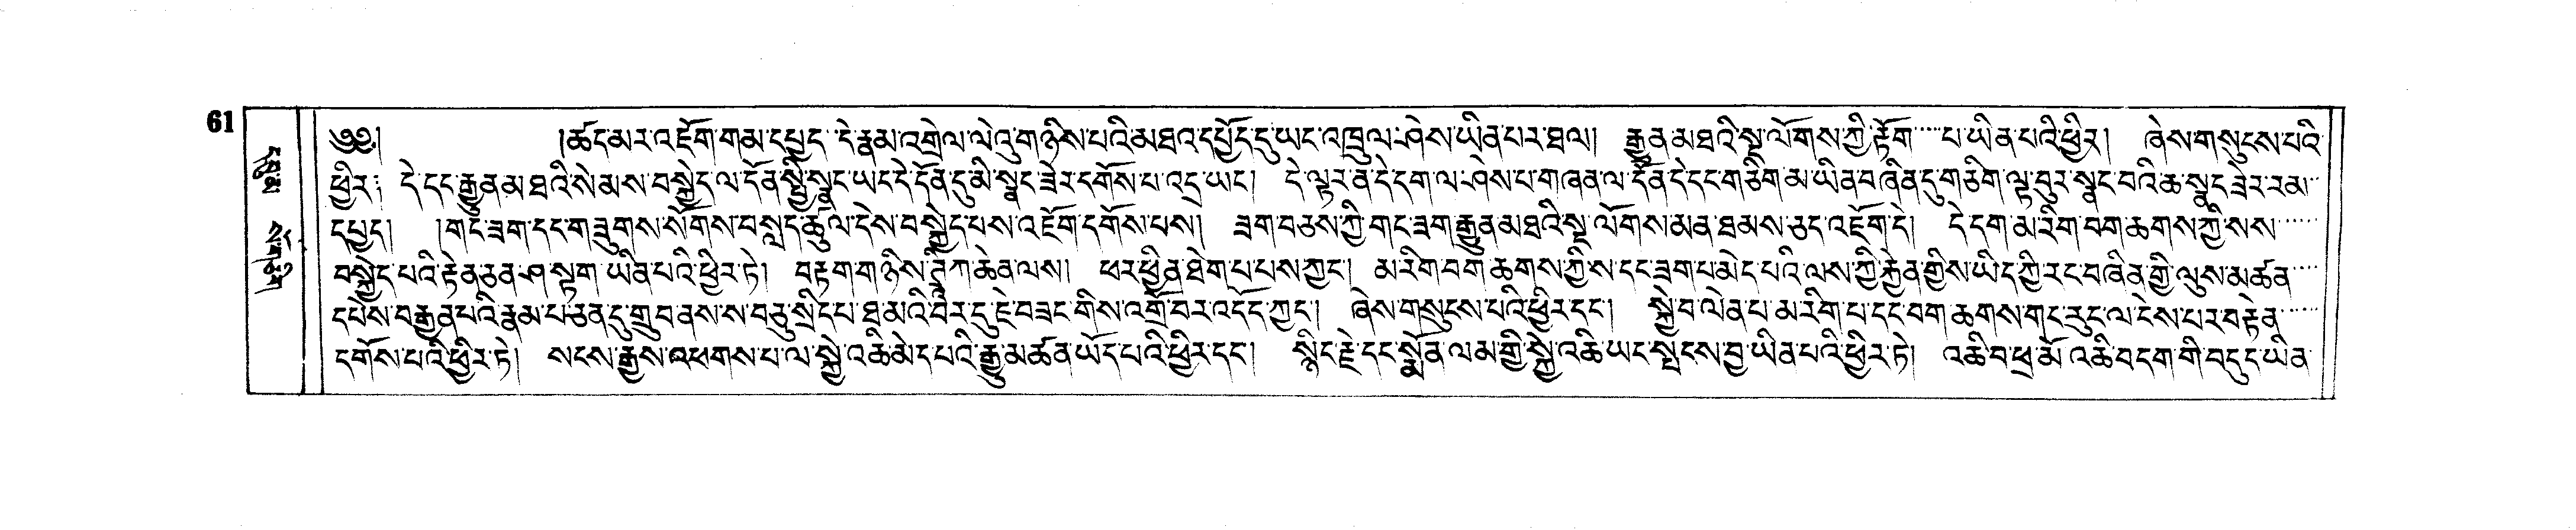༄༅། །ཚད་མར་འཇོག་གམ་དཔྱད་དེ་རྣམ་འགྲེལ་ལེའུ་གཉིས་པའི་མཐའ་དཔྱོད་དུ་ཡང་འཁྲུལ་ཤེས་ཡིན་པར་ཐལ། རྒྱུན་མཐའི་སྔ་ལོགས་ཀྱི་རྟོག་པ་ཡིན་པའི་ཕྱིར། ཞེས་གསུངས་པའི་
ཕྱིར། དེ་དང་རྒྱུན་མཐའི་སེམས་བསྐྱེད་ལ་དོན་སྤྱི་སྣང་ཡང་དེ་དོན་དུ་མི་སྣང་ཟེར་དགོས་པ་འདྲ་ཡང་། དེ་ལྟར་ན་དེ་དག་ལ་ཤེས་པ་གཞན་ལ་དོན་དེ་དང་གཅིག་མ་ཡིན་བཞིན་དུ་གཅིག་ལྟ་བུར་སྣང་བའི་ཆ་སྣང་ཟེར་རམ་
དཔྱད། །གང་ཟག་དང་གཟུགས་སོགས་བསླད་ཚུལ་དེས་བསྐྱེད་པས་འཇོག་དགོས་པས། ཟག་བཅས་ཀྱི་གང་ཟག་རྒྱུན་མཐའི་སྔ་ལོགས་མན་ཐམས་ཅད་འཇོག་དེ། དེ་དག་མ་རིག་བག་ཆགས་ཀྱི་སས་
བསྐྱེད་པའི་རྟེན་ཅན་ཤ་སྟག་ཡིན་པའི་ཕྱིར་ཏེ། བརྟག་གཉིས་ཊྲཱིཀ་ཆེན་ལས། ཕར་ཕྱིན་ཐེག་པ་པས་ཀྱང་། མ་རིག་བག་ཆགས་ཀྱི་ས་དང་ཟག་པ་མེད་པའི་ལས་ཀྱི་རྐྱེན་གྱིས་ཡིད་ཀྱི་རང་བཞིན་གྱི་ལུས་མཚན་
དཔེས་བརྒྱན་པའི་རྣམ་པ་ཅན་དུ་གྲུབ་ནས་ས་བཅུ་སྲིད་པ་ཐ་མའི་བར་དུ་ཇེ་བཟང་གིས་འགྲོ་བར་འདོད་ཀྱང་། ཞེས་གསུངས་པའི་ཕྱིར་དང་། སྐྱེ་བ་ལེན་པ་མ་རིག་པ་དང་བག་ཆགས་གང་རུང་ལ་ངེས་པར་བརྟེན་
དགོས་པའི་ཕྱིར་ཏེ། སངས་རྒྱས་འཕགས་པ་ལ་སྐྱེ་འཆི་མེད་པའི་རྒྱུ་མཚན་ཡོད་པའི་ཕྱིར་དང་། སྙིང་རྗེ་དང་སྨོན་ལམ་གྱི་སྐྱེ་འཆི་ཡང་སྤངས་བྱ་ཡིན་པའི་ཕྱིར་ཏེ། འཆི་བ་ཕྲ་མོ་འཆི་བདག་གི་བདུད་ཡིན་